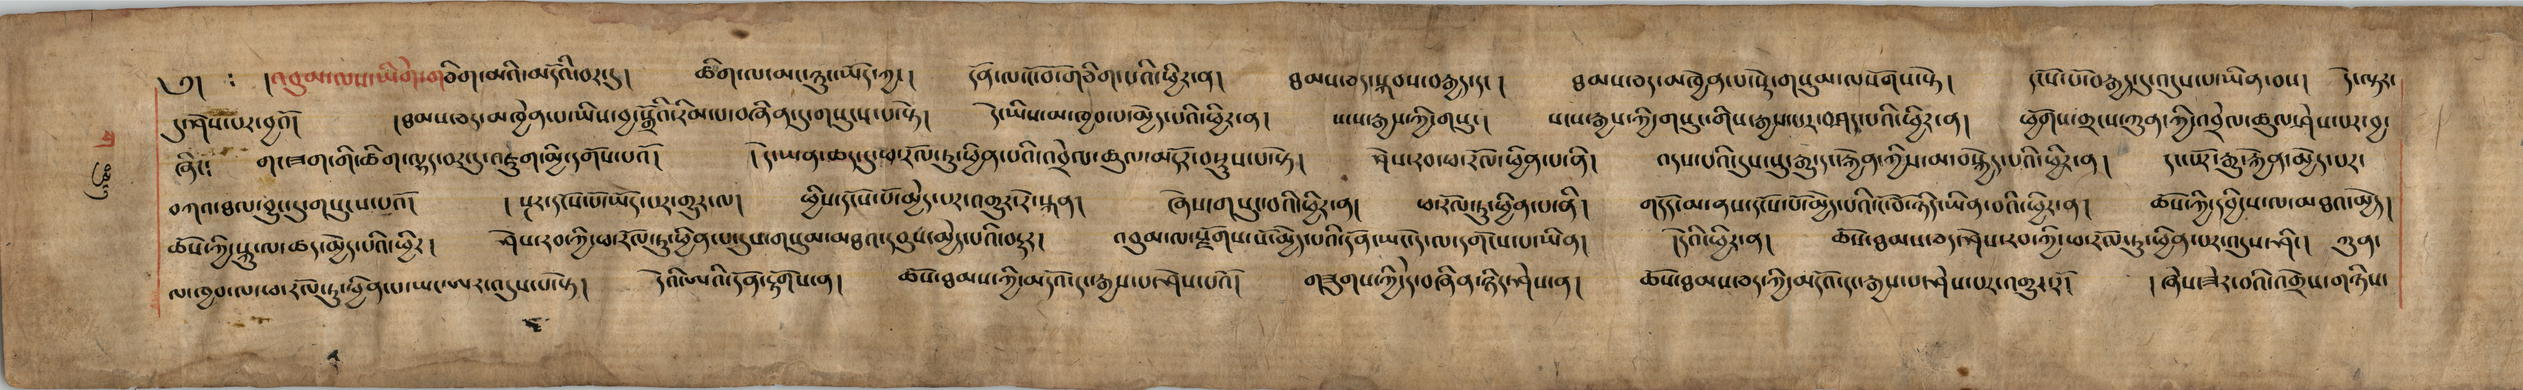༅། : །འབུམ་ལས་ཡི་གེ་གཅིག་མའི་མདོའི་བར་དུ། ཚིག་ལ་མང་ཉུང་ཡོད་ཀྱང། དོན་ལ་ངོ་བོ་གཅིག་པའི་ཕྱིར་ན། ཐམས་ཅད་སྐབས་བརྒྱད་དང ། ཐམས་ཅད་མཁྱེན་པ་སྟེ་གསུམ་ལསོགས་སྟེ། དངོས་པོ་བརྒྱད་དུ་འདུས་པ་ཡིན་བས། དེ་ལྟར་
དུ་ཤེས་པར་བྱའོ། །ཐམས་ཅད་མཁྱེན་པ་ཡིས་བྱ་སྒྲོའི་རིམ་པ་བཞིན་དི་གསུངས་པ་སྟེ། དེ་ཡིས་མ་ཁྱབ་པ་མྱེད་པའི་ཕྱིར་ན། སངས་རྒྱས་ཀྱི་གསུང། སངས་རྒྱས་ཀྱི་གསུང་གིས་རྒྱས་པར་བཤད་པའི་ཕྱིར་ན། ཕྱོགས་གྲངས་ཀུན་ཀྱི་འབྲེལ་ཚུལ་ཤེས་པར་བྱ་
ཞིང: གང་ཟག་གི་ཚིག་ལྷད་བར་དུ་འཇུག་མྱི་དགོས་པའོ། ། དེ་ཡན་ཆད་དུ་ཕ་རོལ་ཏུ་ཕྱིན་པའི་འབྲེལ་ཚུལ་མདོར་བསྡུས་པ་སྟེ། ཤེས་རབ་ཕ་རོལ་ཕྱིན་པ་ནི། འདས་པའི་དུས་སུ་རྒྱུ་དང་རྐྱེན་ཀྱིས་མ་བསྐྱེད་པའི་ཕྱིར་ན། དང་པོར་རྒྱུ་རྐྱེན་མྱེད་པར་
བཀའ་ཐལ་བྱུང་དུ་གསུངས་པའོ། ། སྔར་དངོས་པོ་ཡོད་པར་གྱུར་ལ། ཕྱིར་དངོས་པོ་མེུད་པར་འགྱུར་རེ་སྐན། ཞེས་གསུང་བའི་ཕྱིར་ན། ཕ་རོལ་ཏུ་ཕྱིན་པ་ནི། གདོད་མ་ནས་དངོས་པོ་མྱེད་པའི་ངོ་བོ་ཉིད་ཡིན་བའི་ཕྱིར་ན། ཆོས་ཀྱི་དབྱིངས་ལ་མཐའ་མྱེད།
ཆོས་ཀྱི་སྐུ་ལ་ཚད་མྱེད་པའི་ཕྱིར། ཤེས་རབ་ཀྱི་ཕ་རོལ་ཏུ་ཕྱིན་པ་དུས་གསུམ་མཐའ་དབུས་མྱེད་པའི་བརྡར། འབུམ་ལ་སྫོགས་སོ་མྱེད་པའི་དོན་ཡང་དེ་ལ་དགོངས་པ་ཡིན། །དེའི་ཕྱིར་ན། ཆོས་ཐམས་ཅད་ཤེས་རབ་ཀྱི་ཕ་རོལ་ཏུ་ཕྱིན་པར་འདུས་ཤིང། ཀུན་
ལ་ཁྱབ་ལ་ཕ་རོལ་ཏུ་ཕྱིན་པ་ཡང་ཨར་འདུས་པ་སྟེ། དེའི་ཨའི་དོན་རྟོགས་ན། ཆོས་ཐམས་ཅད་ཀྱི་མདོའ་དང་རྒྱས་པ་ཤེས་པའོ། གཟུགས་ཀྱི་དེ་བཞིན་ཉིད་ཤེས་ན། ཆོས་ཐམས་ཅད་ཀྱི་མདོའ་དང་རྒྱས་པ་ཤེས་པར་འགྱུར་རོ། །ཞེས་ཟེར་བའི་འགྲེས་གཉིས་